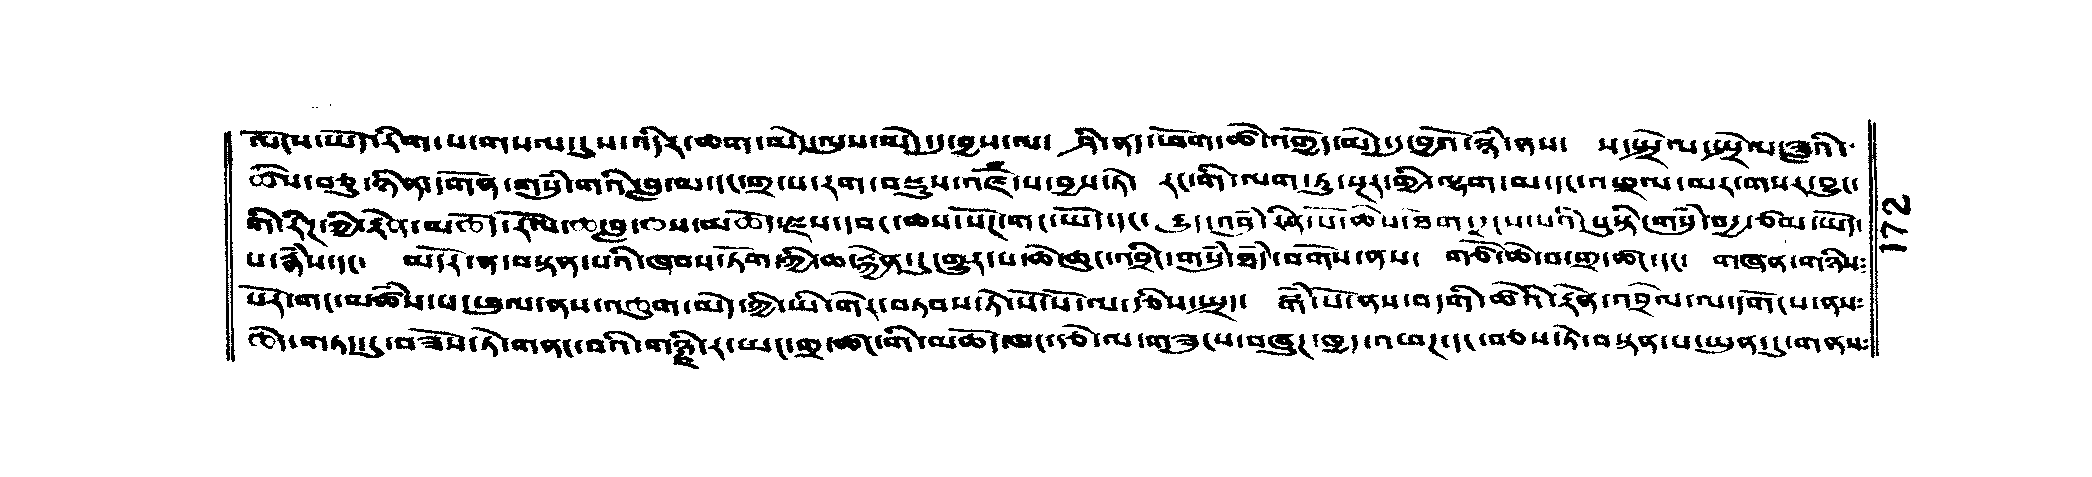ལོང་ཡོད་རིག་པ་གསལ་དུས་འདིར་ཆག་མེད་ལུས་མེད་དུ་བྱས་ལ། ཤི་ནད་ཕོག་ཚེ་འགྱོད་མེད་དུ་བྱའོ་སྙམ་ནས། ས་སྤྲེལ་ཟླའི་
ཚེས་བཅུ་ཉིན་དགོན་གསུམ་གའི་བླ་མ་དང་གྲྭ་པ་རགས་བསྡུས་འཛོམ་པ་བྱས་ཏེ། རང་གི་ལག་ཏུ་སྔར་གྱི་ལྷག་མ་དང་འཕྲལ་མར་གསར་བྱུང་
གི་རིགས་ཀྱི་རྟེན་མཆོད་རོལ་ཆ་བླ་ཆས་མཆོད་རྫས་དབང་ཆས་སོགས་གང་ཡོད་དང་། རྒྱུད་འབུམ་རིན་པོ་ཆེས་ཐོག་དྲངས་པའི་པོ་སྟི་གསུམ་བརྒྱ་ཙམ་ཡོད་
པ་རྣམས་དང་། མདོར་ན་བསྟན་པའི་ཞབས་ཏོག་གི་ཆ་རྐྱེན་དུ་གྱུར་པ་ཆེ་ཆུང་འབྲིང་གསུམ་ཐམས་ཅད་བགོས་ནས། གཙོ་ཆེ་བ་གྲྭ་ཚང་དང་། གཞན་གཉིས་
པོར་གང་འཚམས་པ་ཕུལ་ནས་འཆུག་མེད་ཀྱི་ཡི་གེར་བཏབ་སྟེ་སོ་སོ་ལ་བརྩིས་སྤྲད། སྒམ་པོ་ནས་བདག་གི་ཚེའི་རྟེན་འབྲེལ་ལ་དགོངས་ནས་
ཆེད་གཏད་དུ་བཟོས་ཏེ་གནང་བའི་གཉྫི་ར་ཡང་གྲྭ་ཚང་གི་མཆོད་ཁང་རྩེ་ལ་གཟུངས་བཞུགས་ཁྱད་འཕགས་དང་བཅས་ཏེ་བསྟན་པ་ཡུན་དུ་གནས་